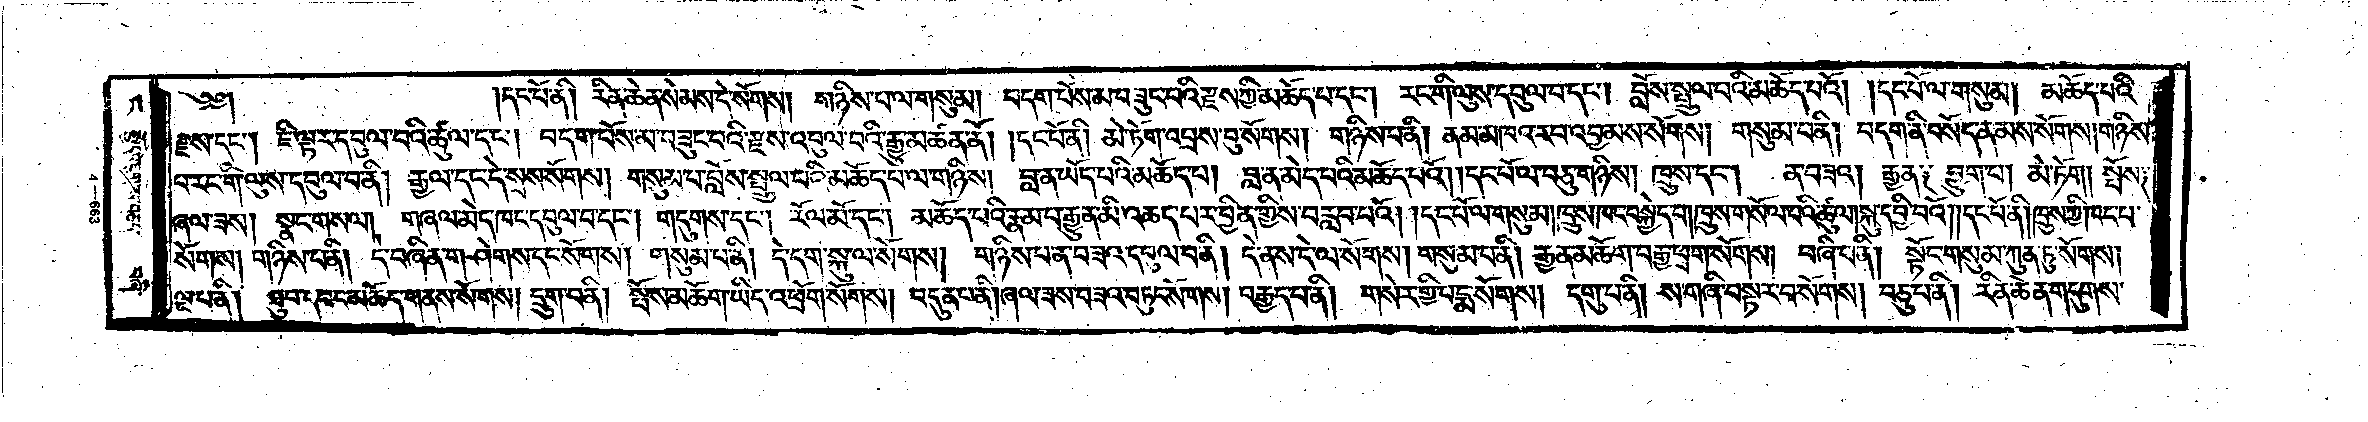༄༅། །དང་པོ་ནི། རིན་ཆེན་སེམས་དེ་སོགས། གཉིས་པ་ལ་གསུམ། བདག་པོས་མ་བཟུང་བའི་རྫས་ཀྱི་མཆོད་པ་དང་། རང་གི་ལུས་དབུལ་བ་དང་། བློས་སྤྲུལ་པའི་མཆོད་པའོ། །དང་པོ་ལ་གསུམ། མཆོད་པའི་
རྫས་དང་། ཇི་ལྟར་དབུལ་བའི་ཚུལ་དང་། བདག་པོས་མ་བཟུང་བའི་རྫས་འབུལ་བའི་རྒྱུ་མཚན་ནོ། །དང་པོ་ནི། མེ་ཏོག་འབྲས་བུ་སོགས། གཉིས་པ་ནི། ནམ་མཁའ་རབ་འབྱམས་སོགས། གསུམ་པ་ནི། བདག་ནི་བསོད་ནམས་སོགས། གཉིས་
བ་རང་གི་ལུས་དབུལ་བ་ནི། རྒྱལ་དང་དེ་སྲས་སོགས། གསུམ་པ་བློས་སྤྲུལ་པའི་མཆོད་པ་ལ་གཉིས། བླ་ན་ཡོད་པའི་མཆོད་པ། བླ་ན་མེད་པའི་མཆོད་པའོ། །དང་པོ་ལ་བཅུ་གཉིས། ཁྲུས་དང་། ན་བཟའ། རྒྱན༑ བྱུག་པ། མེ་ཏོག །སྤོས༑
ཞལ་ཟས། སྣང་གསལ། གཞལ་མེད་ཁང་དབུལ་བ་དང་། གདུགས་དང་། རོལ་མོ་དང་། མཆོད་པའི་རྣམ་པ་རྒྱུན་མི་འཆད་པར་བྱིན་གྱིས་བརླབ་པའོ། །དང་པོ་ལ་གསུམ། ཁྲུས་ཁང་བསྐྱེད་པ། ཁྲུས་གསོལ་བའི་ཚུལ། སྐུ་དབྱི་བའོ། །དང་པོ་ནི། ཁྲུས་ཀྱི་ཁང་པ་
སོགས། གཉིས་པ་ནི། དེ་བཞིན་གཤེགས་དང་སོགས། གསུམ་པ་ནི། དེ་དག་སྐུ་ལ་སོགས། གཉིས་པ་ན་བཟའ་དབུལ་བ་ནི། དེ་ནས་དེ་ལ་སོགས། གསུམ་པ་ནི། རྒྱན་མཆོག་བརྒྱ་ཕྲག་སོགས། བཞི་པ་ནི། སྟོང་གསུམ་ཀུན་ཏུ་སོགས།
ལྔ་པ་ནི། ཐུབ་དབང་མཆོད་གནས་སོགས། དྲུག་བ་ནི། སྤོས་མཆོག་ཡིད་འཕྲོག་སོགས། བདུན་པ་ནི། ཞལ་ཟས་བཟའ་བཏུང་སོགས། བརྒྱད་པ་ནི། གསེར་གྱི་པདམ་སོགས། དགུ་པ་ནི། ས་གཞི་བསྟར་བ་སོགས། བཅུ་པ་ནི། རིན་ཆེན་གདུགས་